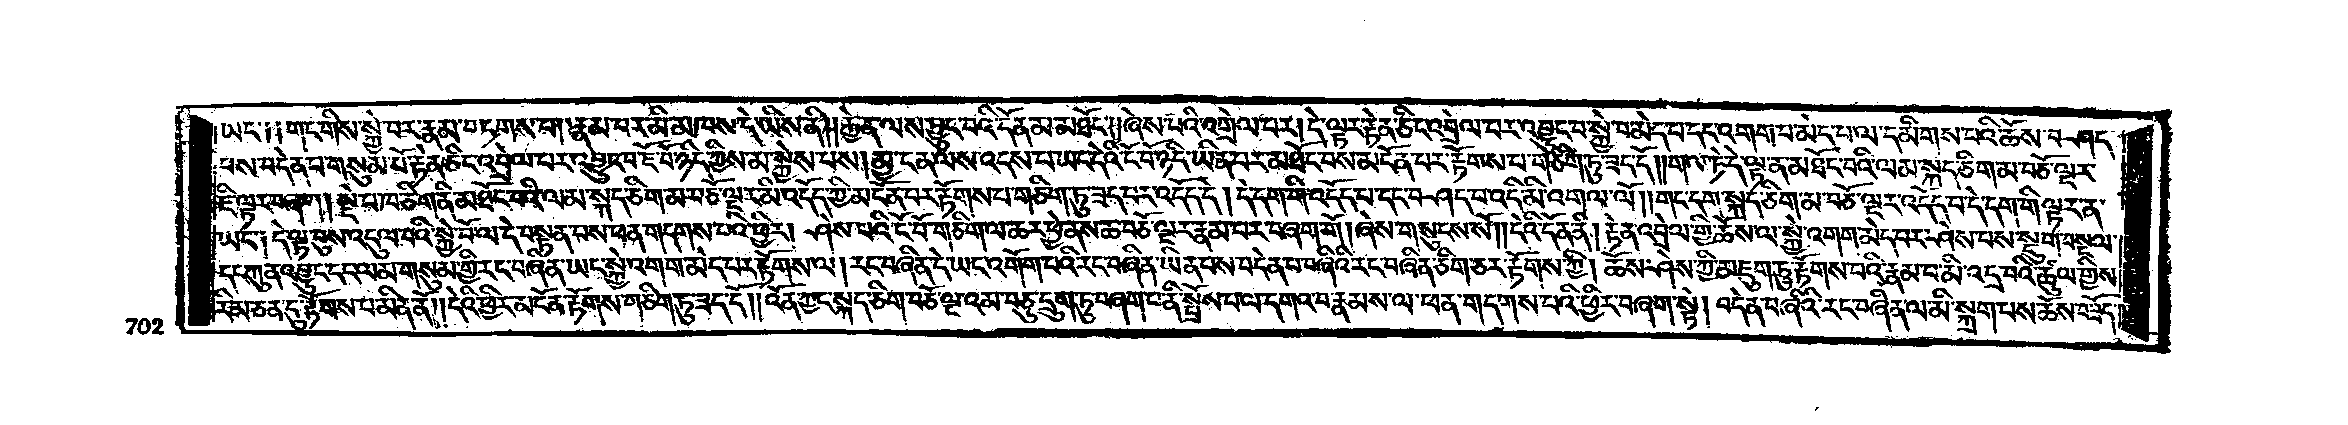ཡང་། །གང་གིས་སྐྱེ་བར་རྣམ་བཏགས་པ། །རྣམ་པར་མི་མཁས་དེ་ཡིས་ནི། །རྐྱེན་ལས་བྱུང་བའི་དོན་མ་མཐོང་། །ཞེས་པའི་འགྲེལ་པར། དེ་ལྟར་རྟེན་ཅིང་འབྲེལ་བར་འབྱུང་བ་སྐྱེ་བ་མེད་པ་དང་འགག་པ་མེད་པ་ལ་དམིགས་པའི་ཆོས་བཤད་
པས་བདེན་པ་གསུམ་པོ་རྟེན་ཅིང་འབྲེལ་པར་འབྱུང་བ་ཇོ་བོ་ཉིད་ཀྱིས་མ་སྐྱེས་པས། མྱ་ངན་ལས་འདས་པ་ཡང་དེའི་ངོ་བོ་ཉིད་ཡིན་པར་མཐོང་བས་མངོན་པར་རྟོགས་པ་གཅིག་ཏུ་ཟད་དོ། །གལ་ཏེ་དེ་ལྟ་ན་མཐོང་བའི་ལམ་སྐད་ཅིག་མ་བཅོ་ལྔར་
ཇི་ལྟར་བཞག །སྡེ་པ་ཁ་ཅིག་ནི་མཐོང་བའི་ལམ་སྐད་ཅིག་མ་བཅོ་ལྔར་མི་འདོད་ཀྱི་མངོན་པར་རྟོགས་པ་གཅིག་ཏུ་ཟད་པར་འདོད་དེ། དེ་དག་གི་འདོད་པ་དང་བཤད་པ་འདི་མི་འགལ་ལོ། །གང་དག་སྐད་ཅིག་མ་བཅོ་ལྔར་འདོད་པ་དེ་དག་གི་ལྟར་ན་
ཡང་། དེ་ལྟ་བུས་འདུལ་བའི་སྐྱེ་བོ་ལ་དེ་བསྟན་པས་ཕན་གདགས་པའི་ཕྱིར། ཤེས་པའི་ངོ་བོ་གཅིག་ལ་ཆར་ཕྱེ་ནས་ཆ་བཅོ་ལྔར་རྣམ་པར་བཞག་གོ །ཞེས་གསུངས་སོ། །དེའི་དོན་ནི། རྟེན་འབྲེལ་གྱི་ཆོས་ལ་སྐྱེ་འགག་མེད་པར་ཤེས་པས་སྡུག་བསྔལ་
དང་ཀུན་འབྱུང་དང་ལམ་གསུམ་གྱི་རང་བཞིན་ཡང་སྐྱེ་འགག་མེད་པར་རྟོགས་ལ། རང་བཞིན་དེ་ཡང་འགོག་པའི་རང་བཞིན་ཡིན་པས་བདེན་པ་བཞིའི་རང་བཞིན་ཅིག་ཅར་རྟོགས་ཀྱི། ཆོས་ཤེས་ཀྱི་མཇུག་ཏུ་རྟོགས་པའི་རྣམ་པ་མི་འདྲ་བའི་ཚུལ་གྱིས་
རིམ་ཅན་དུ་རྟོགས་པ་མིན་ནོ། །དེའི་ཕྱིར་མངོན་རྟོགས་གཅིག་ཏུ་ཟད་དོ། །འོན་ཀྱང་སྐད་ཅིག་བཅོ་ལྔ་འམ་བཅུ་དྲུག་ཏུ་བཞག་པ་ནི་སྤྲོས་པ་ལ་དགའ་བ་རྣམས་ལ་ཕན་གདགས་པའི་ཕྱིར་བཞག་སྟེ། བདེན་བཞིའི་རང་བཞིན་ལ་མི་སྐྲག་པས་ཆོས་བཟོད་